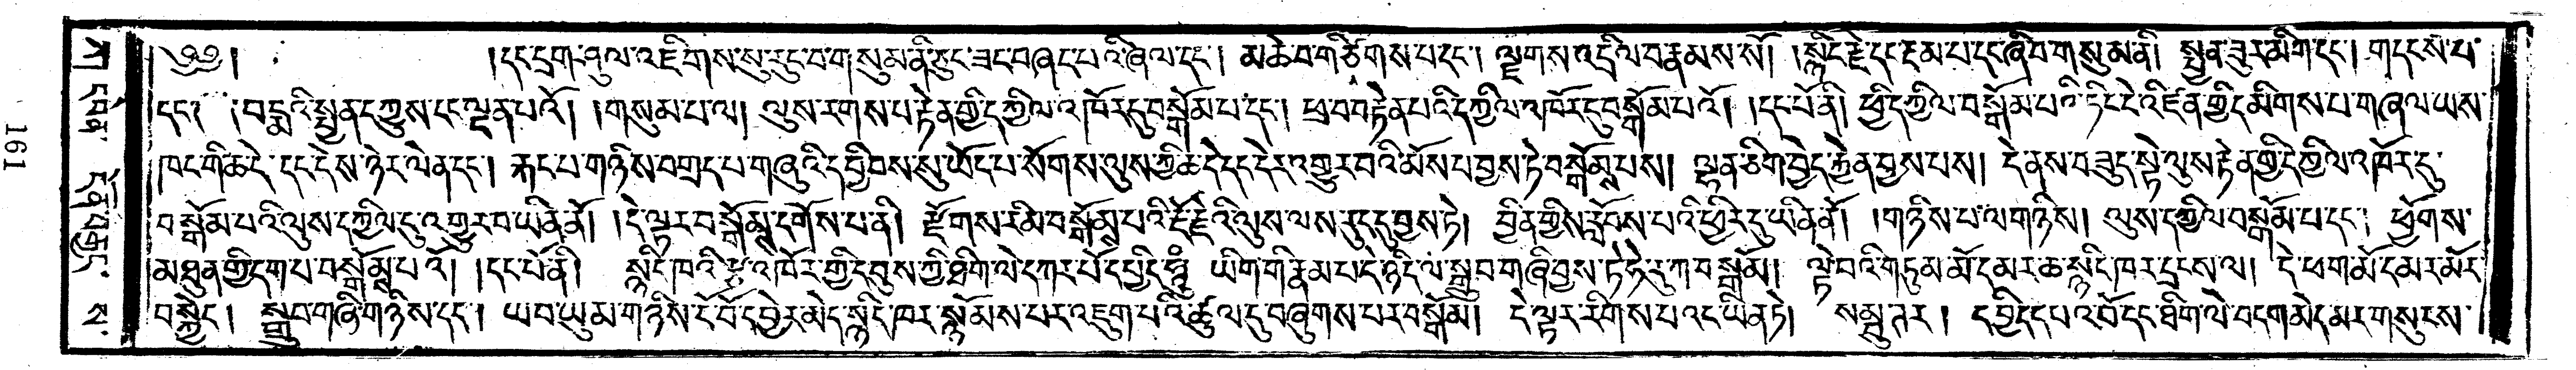༄༅། །དང་དྲག་ཤུལ་འཇིགས་སུ་རུང་བ་གསུམ་ནི་ཅུང་ཟད་བཞད་པའི་ཞལ་དང་། མཆེ་བ་གཙིགས་པ་དང་། ལྗགས་འདྲིལ་བ་རྣམས་སོ། །སྙིང་རྗེ་དང་རྔམ་པ་དང་ཞིབ་གསུམ་ནི། སྤྱན་ཟུར་མིག་དང་། གདངས་པ་
དང༑ ༑པདམའི་སྤྱན་དཀྱུས་དང་ལྡན་པའོ། །གསུམ་པ་ལ། ལུས་རགས་པ་རྟེན་གྱི་དཀྱིལ་འཁོར་དུ་བསྒོམ་པ་དང་། ཕྲ་བ་བརྟེན་པའི་དཀྱིལ་འཁོར་དུ་བསྒོམ་པའོ། །དང་པོ་ནི། ཕྱི་དཀྱིལ་བསྒོམ་པའི་ཏིང་ངེ་འཛིན་གྱི་དམིགས་པ་གཞལ་ཡས་
ཁང་གི་ཆ་དེ་དང་དེས་ཉེར་ལེན་དང་། རྐང་པ་གཉིས་བགྲད་པ་གཞུའི་དབྱིབས་སུ་ཡོད་པ་སོགས་ལུས་ཀྱི་ཆ་དེ་དང་དེར་འགྱུར་བའི་མོས་པ་བྱས་ཏེ་བསྒོམས་པས། ལྷན་ཅིག་བྱེད་རྐྱེན་བྱས་པས། དེ་ནས་བཟུད་སྟེ་ལུས་རྟེན་གྱི་དཀྱིལ་འཁོར་དུ་
བསྒོམ་པའི་ལུས་དཀྱིལ་དུ་འགྱུར་བ་ཡིན་ནོ། །དེ་ལྟར་བསྒོམས་དགོས་པ་ནི། རྫོགས་རིམ་བསྒོམས་པའི་རྡོ་རྗེའི་ལུས་ལས་རུང་དུ་བྱས་ཏེ། བྱིན་གྱིས་རློབས་པའི་ཕྱིར་དུ་ཡིན་ནོ། །གཉིས་པ་ལ་གཉིས། ལུས་དཀྱིལ་བསྒོམ་པ་དང་། ཕྱོགས་
མཐུན་གྱི་དག་པ་བསྒོམས་པའོ། །དང་པོ་ནི། སྙིང་ཁའི་རྩ་འཁོར་གྱི་དབུས་ཀྱི་ཐིག་ལེ་དཀར་པོ་དཔྱིད་ཧཱུཾ་ཡིག་གི་རྣམ་པ་དེ་ཉིད་ལ་སྒྲུབ་གཞི་བྱས་ཏེ་ཧེ་རུ་ཀ་བསྒོམ། ལྟེ་བའི་གཏུམ་མོ་དམར་ཆ་སྙིང་ཁར་དྲངས་ལ། དེ་ཕག་མོ་དམར་མོར་
བསྐྱེད། སྒྲུབ་གཞི་གཉིས་དང་། ཡབ་ཡུམ་གཉིས་ངོ་བོ་དབྱེར་མེད་སྙིང་ཁར་སྙོམས་པར་འཇུག་པའི་ཚུལ་དུ་བཞུགས་པར་བསྒོམ། དེ་ལྟར་རིགས་པའང་ཡིན་ཏེ། སམྦུ་ཊར། དབྱིད་དཔའ་བོ་དང་ཐིག་ལེ་བདག་མེད་མར་གསུངས་